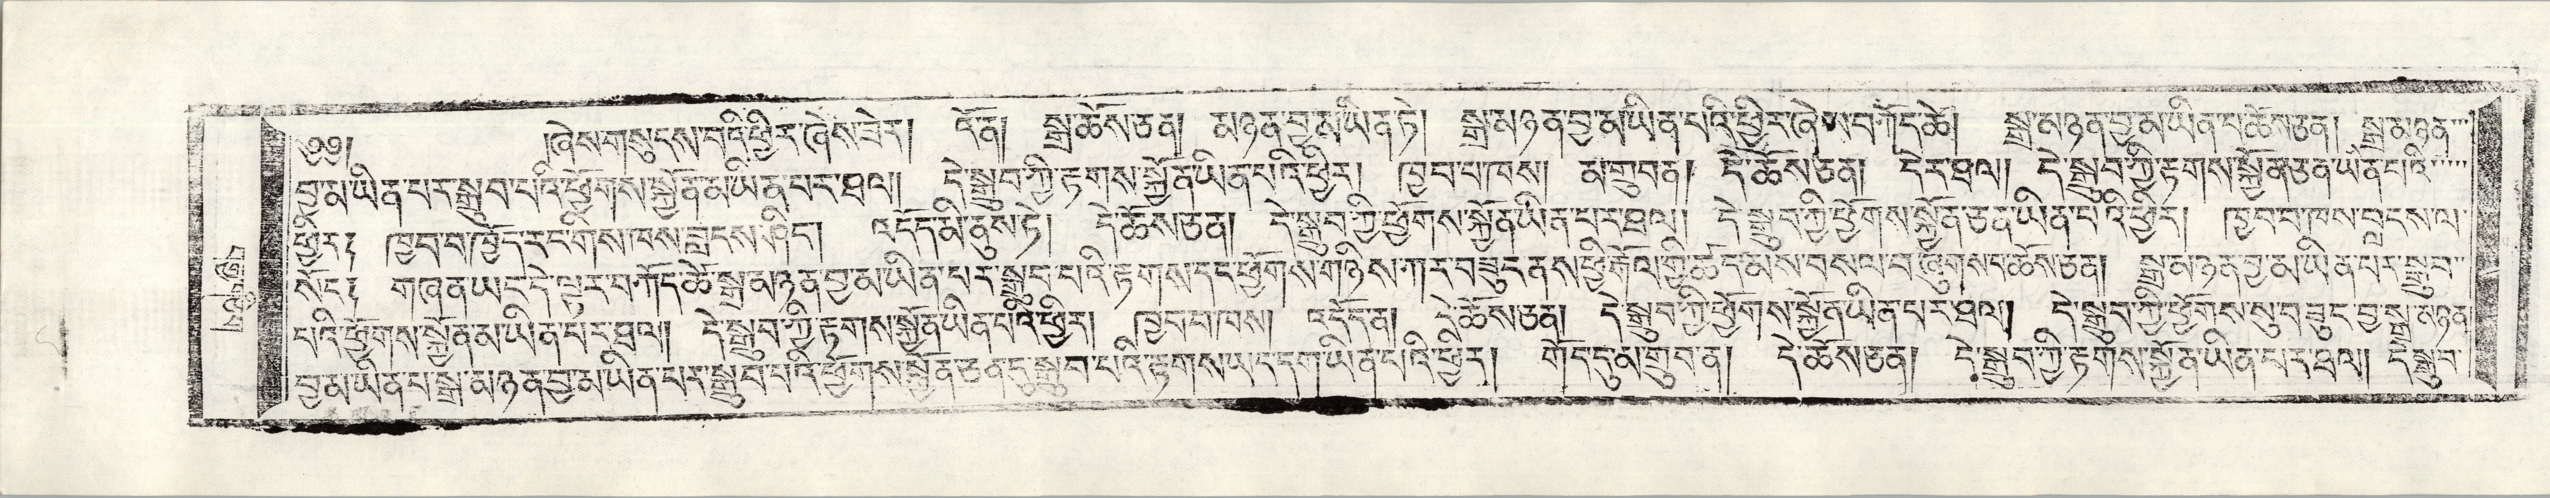༄༅། །ཞེས་གསུངས་པའི་ཕྱིར་ཞེས་ཟེར། འོ་ན། སྒྲ་ཆོས་ཅན། མཉན་བྱ་མ་ཡིན་ཏེ། སྒྲ་མཉན་བྱ་མ་ཡིན་པའི་ཕྱིར་ཞེས་བཀོད་ཚེ། སྒྲ་མཉན་བྱ་མ་ཡིན་པ་ཆོས་ཅན། སྒྲ་མཉན་
བྱ་མ་ཡིན་པར་སྒྲུབ་པའི་ཕྱོགས་སྐྱོན་མ་ཡིན་པར་ཐལ། དེ་སྒྲུབ་ཀྱི་རྟགས་སྐྱོན་ཡིན་པའི་ཕྱིར། ཁྱབ་པ་ཁས། མ་གྲུབ་ན། དེ་ཆོས་ཅན། དེར་ཐལ། དེ་སྒྲུབ་ཀྱི་རྟགས་སྐྱོན་ཅན་ཡིན་པའི་
ཕྱིར། ཁྱབ་པ་ཁྱོད་རང་གིས་ཁས་བླངས་ཤིང་། འདོད་མི་ནུས་ཏེ། དེ་ཆོས་ཅན། དེ་སྒྲུབ་ཀྱི་ཕྱོགས་སྐྱོན་ཡིན་པར་ཐལ། དེ་སྒྲུབ་ཀྱི་ཕྱོགས་སྐྱོན་ཅན་ཡིན་པའི་ཕྱིར། ཁྱབ་པ་ཁས་བླངས་ལ་
སོང་། གཞན་ཡང་དེ་ལྟར་བཀོད་ཚེ་སྒྲ་མཉན་བྱ་མ་ཡིན་པར་སྒྲུབ་པའི་རྟགས་དང་ཕྱོགས་གཉིས་ཀར་བཟུང་ནས་ཕྱི་རྒོལ་གྱི་ཚད་མས་བསལ་བ་ཞུགས་པ་ཆོས་ཅན། སྒྲ་མཉན་བྱ་མ་ཡིན་པར་སྒྲུབ་
པའི་ཕྱོགས་སྐྱོན་མ་ཡིན་པར་ཐལ། དེ་སྒྲུབ་ཀྱི་རྟགས་སྐྱོན་ཡིན་པའི་ཕྱིར། ཁྱབ་པ་ཁས། འདོད་ན། དེ་ཆོས་ཅན། དེ་སྒྲུབ་ཀྱི་ཕྱོགས་སྐྱོན་ཡིན་པར་ཐལ། དེ་སྒྲུབ་ཀྱི་ཕྱོགས་སུ་བཟུང་བྱ་སྒྲ་མཉན་
བྱ་མ་ཡིན་པ་སྒྲ་མཉན་བྱ་མ་ཡིན་པར་སྒྲུབ་པའི་ཕྱོགས་སྐྱོན་ཅན་དུ་སྒྲུབ་པའི་རྟགས་ཡང་དག་ཡིན་པའི་ཕྱིར། གོང་དུ་མ་གྲུབ་ན། དེ་ཆོས་ཅན། དེ་སྒྲུབ་ཀྱི་རྟགས་སྐྱོན་ཡིན་པར་ཐལ། དེ་སྒྲུབ་